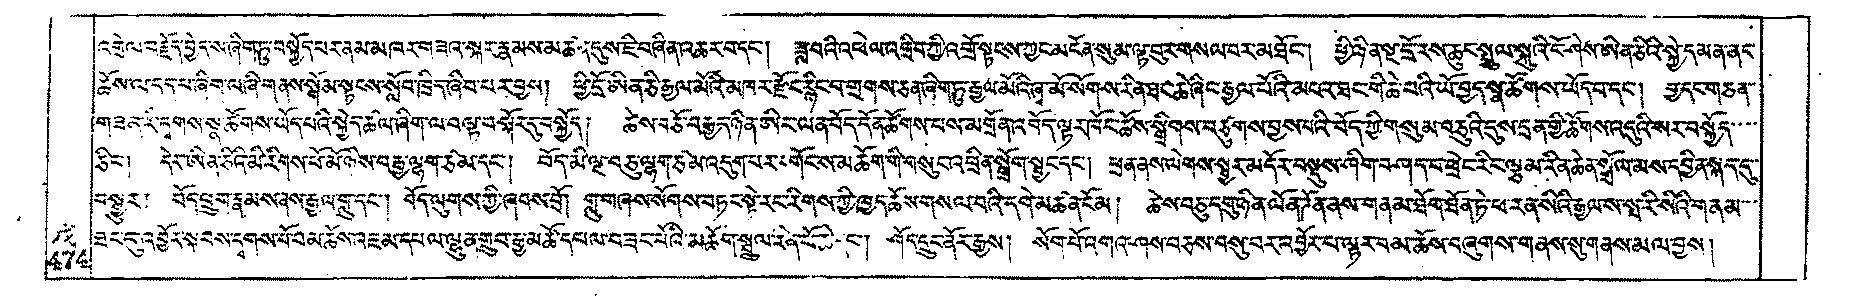འགྲེལ་བརྗོད་བྱེད་ས་ཞིག་ཏུ་བསྐྱོད་པར་ནམ་མཁར་གཟའ་སྐར་རྣམས་མཚན་དུས་ཇི་བཞིན་འཆར་བ་དང་། ཟླ་བའི་འཕེལ་འགྲིབ་ཀྱི་འགྲོ་སྟངས་ཀྱང་མངོན་སུམ་ལྟ་བུར་གསལ་བར་མཐོང་། ཕྱི་ཉིན་སྔ་དྲོ་རས་ཆུང་སྤྲུལ་སྐུའི་ངོ་ཤེས་ཨིན་ཅིའི་སྐྱེ་དམན་ནང་
ཆོས་ལ་དད་པ་ཞིག་ལ་ཞི་གནས་སྒོམ་སྟངས་སློབ་ཁྲིད་ཞིབ་པར་བྱས། ཕྱི་དྲོ་ཨིན་ཅི་རྒྱལ་མོའི་མཁར་རྫོང་རྙིང་པ་གྲགས་ཅན་ཞིག་ཏུ་རྒྱལ་མོའི་ཞྭ་མོ་སོགས་རིན་ཐང་ཆེ་ཞིང་རྒྱལ་པོའི་མངའ་ཐང་གི་ཆེ་བའི་ཡོད་བྱད་སྣ་ཚོགས་ཡོད་པ་དང་། བྱ་དང་གཅན་
གཟན་རི་དྭགས་སྣ་ཚོགས་ཡོད་པའི་སྐྱེད་ཚལ་ཞིག་ལ་བལྟ་བསྐོར་དུ་བསྐྱོད། ཚེས་བཅོ་བརྒྱད་ཉིན་ཨིང་ལན་བོད་དོན་ཚོགས་པས་མགྲོན་འབོད་ལྟར་ཁོང་ཚོས་སྒྲིགས་བཙུགས་བྱས་པའི་བོད་ཀྱི་གསུམ་བཅུའི་དུས་དྲན་གྱི་ཚོགས་འདུའི་སར་བསྐྱོད་
ཅིང་། དེར་ཨིན་ཅིའི་མི་རིགས་ཕོ་མོ་ཉིས་བརྒྱ་ལྷག་ཙམ་དང་། བོད་མི་ལྔ་བཅུ་ལྷག་ཙམ་འདུག་པར་༧གོང་ས་མཆོག་གི་གསུང་འཕྲིན་སྒྲོག་སྦྱང་དང་། ཕྲན་ནས་ལེགས་སྦྱར་མདོར་བསྡུས་ཤིག་བཤད་པ་ཕྲེང་རིང་ལྕམ་རིན་ཆེན་སྒྲོལ་མས་དབྱིན་སྐད་དུ་
བསྒྱུར། བོད་ཕྲུག་རྣམས་ནས་རྒྱལ་གླུ་དང་། བོད་ལུགས་ཀྱི་ཞབས་བྲོ། གླུ་གཞས་སོགས་བཏང་སྟེ་རང་རིགས་ཀྱི་ཁྱད་ཆོས་གསལ་བའི་དགེ་མཚན་ངོམ། ཚེས་བཅུ་དགུ་ཉིན་ལོན་ཌོན་ནས་གནམ་ཐོག་ཐོན་ཏེ་ཕ་རན་སིའི་རྒྱལ་ས་སྤ་རི་སིའི་གནམ་
ཐང་དུ་འབྱོར་སྐབས་དྭགས་པོ་བམ་ཆོས་འཇམ་དཔལ་ལྷུན་གྲུབ་རྒྱ་མཚོ་དཔལ་བཟང་པོའི་མཆོག་སྤྲུལ་རིན་པོ་ཆེ་དང་། ཤོད་དྲུང་ནོར་རྒྱས། སོག་པོ་འགའ་ཤས་བཅས་བསུ་བར་འབྱོར་པ་ལྟར་བམ་ཆོས་བཞུགས་གནས་སུ་གནས་མལ་བྱས།